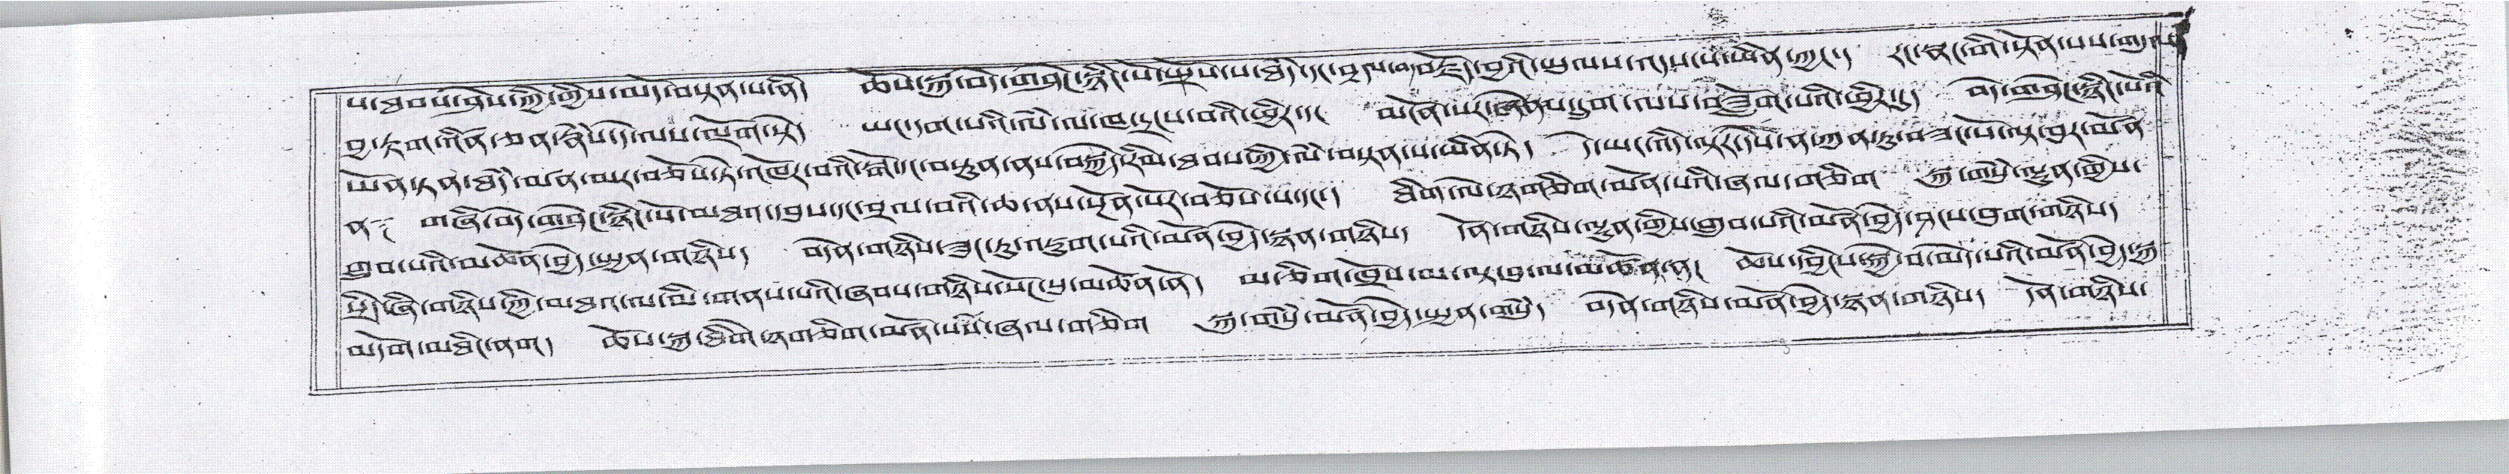པ་ཐབས་ཤེས་ཀྱི་མདོ་བསྟན་པ་ནི། ཆོས་སྐུ་བདེར་གཤེགས་སྙིང་པོ་སྤྲོས་པ་ཐམས་ཅད་དང་བྲལ་བ་བརྗོད་བྱའི་ཡུལ་ལས་འདས་པ་ཡིན་ཀྱང་། རང་སྣང་གི་སྟོན་པས་གདུལ་
བྱ་རྟག་འཛིན་ཅན་རྣམས་དེ་ལས་ལྡོག་སྟེ། ཡང་དག་པའི་ལམ་ལ་ཁ་དྲང་བའི་ཕྱིར། མངོན་པར་ཞེན་པ་དྲུག་ལས་ལྡོག་པའི་ཕྱིར་དུ། བདེར་གཤེགས་སྙིང་པོའི་
ཡོན་ཏན་ཐམས་ཅད་མཚན་མར་བཅོས་ཏེ་འཁོར་བའི་སྒོ་དང་བསྟུན་ནས་བསྐྱེད་རིམ་ཐབས་ཀྱི་ལམ་བསྟན་པ་ཡིན་ཏེ། དེ་ཡང་འདི་ལྟར་དེས་ན་ཀུན་ཏུ་བཟང་པོ་ལྟ་བུར་མཚོན་
ན། གཞི་བདེར་གཤེགས་སྙིང་པོ་མཐའ་དབུས་དང་བྲལ་བའི་ཆ་ནས་སྔོན་པར་བཅོས་པ་དང་། ཐིག་ལེ་ཉག་གཅིག་མཚོན་པའི་ཞལ་གཅིག སྐུ་གསུམ་ལྷུན་གྱིས་
གྲུབ་པའི་མཚོན་བྱེད་སྤྱན་གཉིས། བདེན་གཉིས་ཟུང་དུ་འཇུག་པའི་མཚོན་བྱེད་སྙན་གཉིས། དོན་གཉིས་ལྷུན་གྱིས་གྲུབ་པ་མཚོན་བྱེད་ཤངས་བུག་གཉིས། 
སྲིད་ཞི་གཉིས་ཀྱི་མཐའ་ལས་མི་གནས་པའི་ཞབས་གཉིས་སོགས་སུ་མཚོན་ནོ། མ་གཅིག་ཁྲོས་མ་ལྟ་བུ་ལ་མཚོན་ན། ཆོས་དབྱིངས་སྐྱེ་བ་མེད་པའི་མཚོན་བྱེད་སྐུ་
མདོག་མཐིང་ནག ཆོས་སྐུ་ཐིག་ལེ་ཉག་གཅིག་མཚོན་པའི་ཞལ་གཅིག སྐུ་གསུམ་མཚོན་བྱེད་སྤྱན་གསུམ། བདེན་གཉིས་མཚོན་བྱེད་སྙན་གཉིས། དོན་གཉིས་